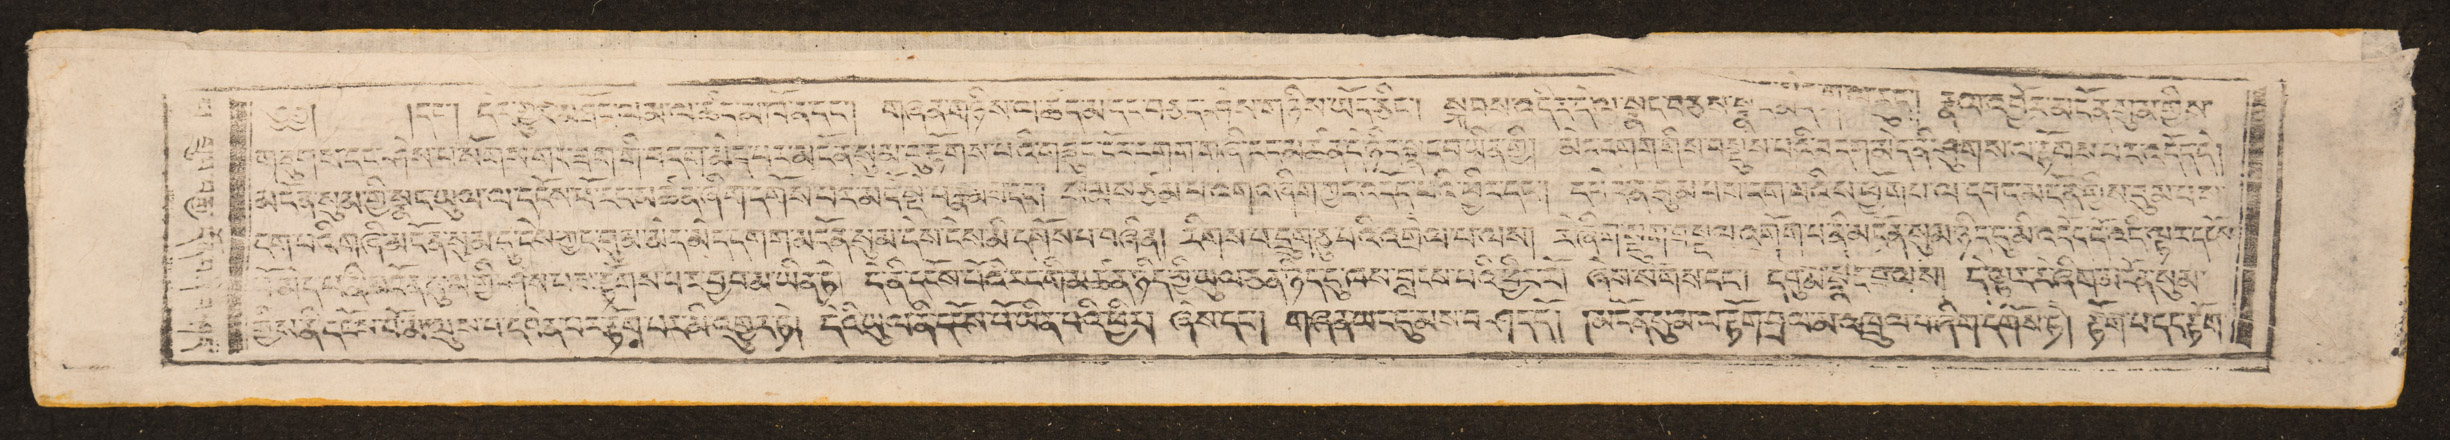༄༅། །དང་། དེར་གྱུར་མཐོང་ལམ་ལ་ཚད་མ་ཁོ་ན་དང་། གཞན་གཉིས་ལ་ཚད་མ་དང་བཅད་ཤེས་གཉིས་ཡོད་ཅིང་། སྐབས་འདིར་དེ་ལ་སྣང་བཅས་སྣང་མེད་ག་ལ་རུང་། རྣལ་འབྱོར་མངོན་སུམ་གྱིས་
གཟུགས་དང་ཤེས་བ་སོགས་གང་ཟག་གི་བདག་མེད་བར་མངོན་སུམ་དུ་རྟོགས་པའི་གཟུང་ངོར་དགག་གཞི་རང་མཚན་དེ་ཉིད་སྣང་བ་ཡིན་གྱི། མེད་དགག་གིས་བསྡུས་པའི་བདག་མེད་ནི་ཤུགས་ལ་རྟོགས་པར་འདོད་དེ།
མངོན་སུམ་གྱི་སྣང་ཡུལ་ལ་དངོས་པོ་རང་མཚན་ཞིག་དགོས་པར་མདོ་སྡེ་པ་རྣམས་དང་། སེམས་ཙམ་པ་འགའ་ཞིག་ཀྱང་འདོད་པའི་ཕྱིར་དང་། དཔེར་ན་བུམ་པས་དག་པའི་ས་ཕྱོགས་ལ་དབང་མངོན་གྱིས་བུམ་པས་
དག་པའི་གཞི་མངོན་སུམ་དུ་ངེས་ཀྱང་བུམ་མེད་མེད་དགག་མངོན་སུམ་དེས་ངེས་མི་དགོས་པ་བཞིན། རིགས་པ་དྲུག་ཅུ་པའི་འགྲེལ་པ་ལས། རེ་ཞིག་སྡུག་བསྔལ་འགོག་པ་ནི་མངོན་སུམ་ཉིད་དུ་མི་འདོད་དོ་འདི་ལྟར་དངོས་
པོ་མེད་པ་ནི་མངོན་སུམ་གྱི་ཤེས་པས་རྟོགས་པར་བྱ་བ་མ་ཡིན་ཏེ། དེ་ནི་དངོས་པོའི་རང་གི་མཚན་ཉིད་ཀྱི་ཡུལ་ཅན་ཉིད་དུ་ཁས་བླངས་པའི་ཕྱིར་རོ། ཞེས་སོགས་དང་། དབུ་མ་སྣང་བ་ལས། དེ་ལྟར་རེ་ཞིག་མངོན་སུམ་
གྱིས་ནི་དངོས་པོ་མ་ལུས་པ་དབེན་པར་རྟོག་པར་མི་འགྱུར་ཏེ། དེའི་ཡུལ་ནི་དངོས་པོ་ཡིན་པའི་ཕྱིར། ཞེས་དང་། གཞན་ཡང་དུ་མས་བཤད་དོ། །མངོན་སུམ་ལ་རྟོག་བྲལ་མ་འཁྲུལ་པ་ཞིག་དགོས་ཏེ། རྟོག་པ་དང་རྟོག་